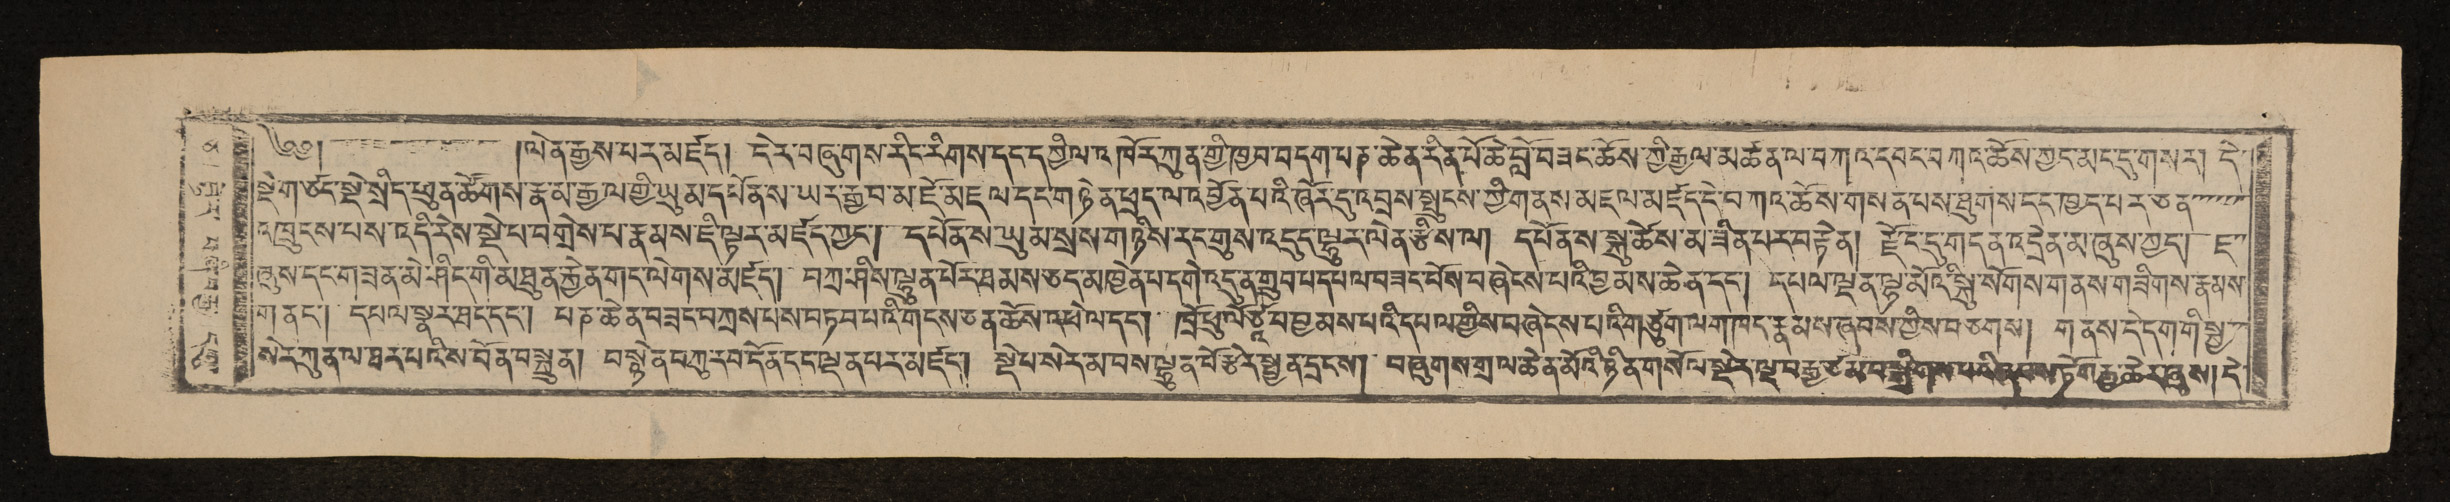༄༅། །ལེན་རྒྱས་པར་མཛད། དེར་བཞུགས་རིང་རིགས་དང་དཀྱིལ་འཁོར་ཀུན་གྱི་ཁྱབ་བདག་པཎ་ཆེན་རིན་པོ་ཆེ་བློ་བཟང་ཆོས་ཀྱི་རྒྱལ་མཚན་ལ་བཀའ་དབང་བཀའ་ཆོས་ཀྱང་མང་དུ་གསན། དེ་
སྔ་གཙང་སྡེ་སྲིད་ཕུན་ཚོགས་རྣམ་རྒྱལ་གྱི་ཡུམ་དཔོན་ས་ཡར་རྒྱབ་མཇོ་མཇལ་དང་གཉེན་ཕྲད་ལ་འབྱོན་པའི་ཞོར་དུ་འབྲས་སྤུངས་ཀྱི་གནས་མཇལ་མཛད་དེ་བཀའ་ཆོས་གསན་པས་ཐུགས་དང་ཁྱད་པར་ཅན་
འཁྲུངས་པས་འདི་རེས་སྡེ་པ་བགྲེས་པ་རྣམས་ཇི་ལྟར་མཛད་ཀྱང་། དཔོན་ས་ཡུམ་སྲས་གཉིས་རང་གུས་འདུད་ལྷུར་ལེན་རྩིས་ལ། དཔོན་ས་སྐུ་ཚེས་མ་ཟིན་པར་བརྟེན། རྫོང་དུ་གདན་འདྲེན་མ་ཞུས་ཀྱང་། ཇ་
ཞུས་དང་གཟན་མེ་ཤིང་གི་མཐུན་རྐྱེན་གང་ལེགས་མཛད། བཀྲ་ཤིས་ལྷུན་པོར་ཐམས་ཅད་མཁྱེན་པ་དགེ་འདུན་གྲུབ་པ་དཔལ་བཟང་པོས་བཞེངས་པའི་བྱམས་ཆེན་དང་། དཔལ་ལྡན་ལྷ་མོའི་སྐུ་སོགས་གནས་གཟིགས་རྣམས་
གནང་། དཔལ་སྣར་ཐང་དང་། པཎ་ཆེན་བཟང་བཀྲས་པས་བཏབ་པའི་གངས་ཅན་ཆོས་འཕེལ་དང་། ཁྲོ་ཕུ་ལོ་ཙཱ་པ་བྱམས་པའི་དཔལ་གྱིས་བཞེངས་པའི་གཙུག་ལག་ཁང་རྣམས་ཞབས་ཀྱིས་བཅགས། གནས་དེ་དག་གི་སྐྱ་
སེར་ཀུན་ལ་ཐར་པའི་ས་བོན་བསྐྲུན། བསྙེན་བཀུར་བ་དོན་དང་ལྡན་པར་མཛད། སྡེ་པ་སེར་མ་བས་ལྷུན་པོ་རྩེར་སྤྱན་དྲངས། བཞུགས་གྲལ་ཆེན་མོའི་ཉིན་གསོལ་སྡེར་ལྔ་བརྒྱ་ཙམ་བསྒྲིགས་པའི་ཞབས་ཏོག་རྒྱ་ཆེར་ཞུས། དེ་